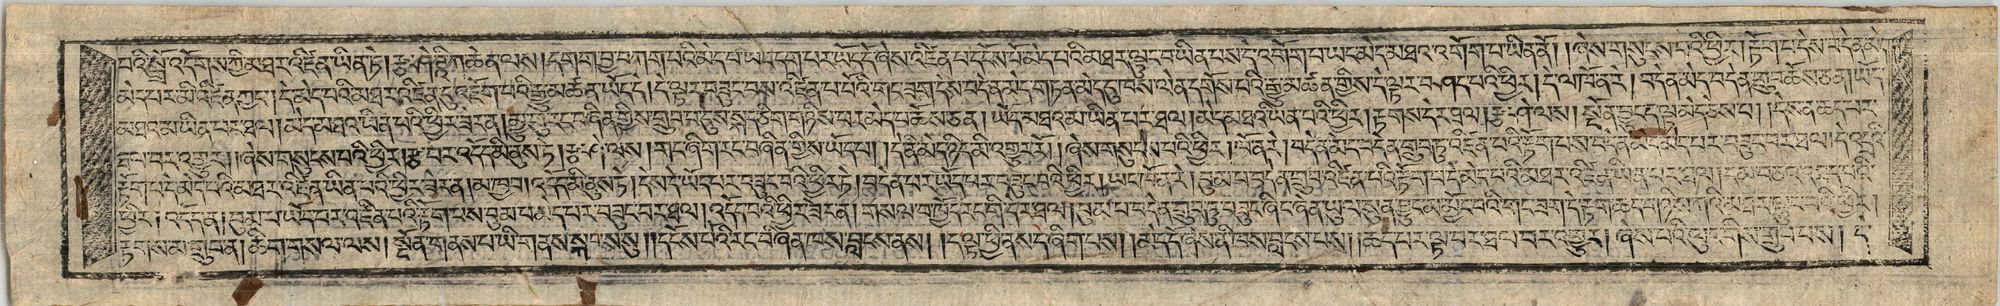པའི་སྒྲོ་འདོགས་ཀྱི་མཐར་འཛིན་ཡིན་ཏེ། རྩ་ཤེ་ཊཱིཀ་ཆེན་ལས། དགག་བྱ་བཀག་པའི་མེད་པ་ཡང་དག་པར་ཡོད་དོ་ཞེས་འཛིན་པ་དངོས་པོ་མེད་པའི་མཐར་ལྟུང་བ་ཡིན་པས་དེ་འགོག་པ་ཡང་མེད་མཐའ་འགོག་པ་ཡིན་ནོ། །ཞེས་གསུངས་པའི་ཕྱིར། རྟོག་པ་དེས་བདེན་མེད་
མེད་པར་མི་འཛིན་ཀྱང་། དེ་མེད་པའི་མཐར་འཛིན་དུ་འཇོག་པའི་རྒྱུ་མཚན་ཡོད་དེ། དེ་ལྟར་བཟུང་བས་འཛིན་པ་བོའི་གང་ཟག་དེས་བདེན་མེད་གཏན་མེད་དུ་ཁས་ལེན་དགོས་པའི་རྒྱུ་མཚན་གྱིས་དེ་ལྟར་བཤད་པའི་ཕྱིར། དེ་ལ་ཁོ་ན་རེ། བདེན་མེད་བདེན་གྲུབ་ཆོས་ཅན། ཡོད་
མཐའ་མ་ཡིན་པར་ཐལ། མེད་མཐའ་ཡིན་པའི་ཕྱིར་ཟེར་ན། མྱུ་གུ་རང་བཞིན་གྱིས་གྲུབ་པ་དུས་སྐད་ཅིག་གཉིས་པར་མེད་པ་ཆོས་ཅན། ཡོད་མཐའ་མ་ཡིན་པར་ཐལ། མེད་མཐའ་ཡིན་པའི་ཕྱིར། རྟགས་དེར་ཐལ། རྩ་ཤེ་ལས། སྔོན་བྱུང་ད་ལྟ་མེད་ཅེས་པ། །དེས་ན་ཆད་པར་
ཐལ་བར་འགྱུར། །ཞེས་གསུངས་པའི་ཕྱིར། རྩ་བར་འདོད་མི་ནུས་ཏེ། རྩ་ཤེ་ལས། གང་ཞིག་རང་བཞིན་གྱིས་ཡོད་པ། །དེ་ནི་མེད་ཉིད་མི་འགྱུར་རོ། །ཞེས་གསུངས་པའི་ཕྱིར། ཁོ་ན་རེ། བདེན་མེད་བདེན་གྲུབ་ཏུ་འཛིན་པའི་རྟོག་པས་བདེན་མེད་མེད་པར་བཟུང་བར་ཐལ། དེ་འདྲའི་
རྟོག་པ་དེ་མེད་པའི་མཐར་འཛིན་ཡིན་པའི་ཕྱིར་ཟེར་ན། མ་ཁྱབ། འདོད་མི་ནུས་ཏེ། དེས་དེ་ཡོད་པར་བཟུང་བའི་ཕྱིར་ཏེ། བདེན་པར་ཡོད་པར་བཟུང་བའི་ཕྱིར། ཡང་ཁོ་ན་རེ། བུམ་པ་བདེན་གྲུབ་འཛིན་པའི་རྟོག་པ་དེ་མེད་པའི་མཐར་འཛིན་ཡིན་པར་ཐལ། དམ་བཅའ་འཐད་པའི་
ཕྱིར༑ འདོད་ན། བུམ་པ་ཡོད་པར་འཛིན་པའི་རྟོག་པས་བུམ་པ་མེད་པར་བཟུང་བར་ཐལ། འདོད་པའི་ཕྱིར་ཟེར་ན། གསལ་བ་ཁྱོད་རང་གི་དེར་ཐལ། བུམ་པ་བདེན་གྲུབ་ཏུ་བཟུང་ཞིང་ཞེན་ཡུལ་སུན་བྱུང་མ་མྱོང་བའི་གང་ཟག་དེ་རྟག་ཆད་གཉིས་ཀའི་མཐར་ལྷུང་བའི་ཕྱིར།
རྟགས་མ་གྲུབ་ན། ཚིག་གསལ་ལས། སྔོན་གནས་པ་ཡི་གནས་སྐབས་སུ། །དངོས་པོའི་རང་བཞིན་ཁས་བླངས་ནས། །ད་ལྟ་ཕྱི་ནས་དེ་ཞིག་པས། །མེད་དོ་ཞེས་ནི་ཁས་བླངས་པས། །ཆད་པར་ལྟ་བར་ཐལ་བར་འགྱུར། ཞེས་པའི་ལུང་གིས་གྲུབ་པས། དེ་